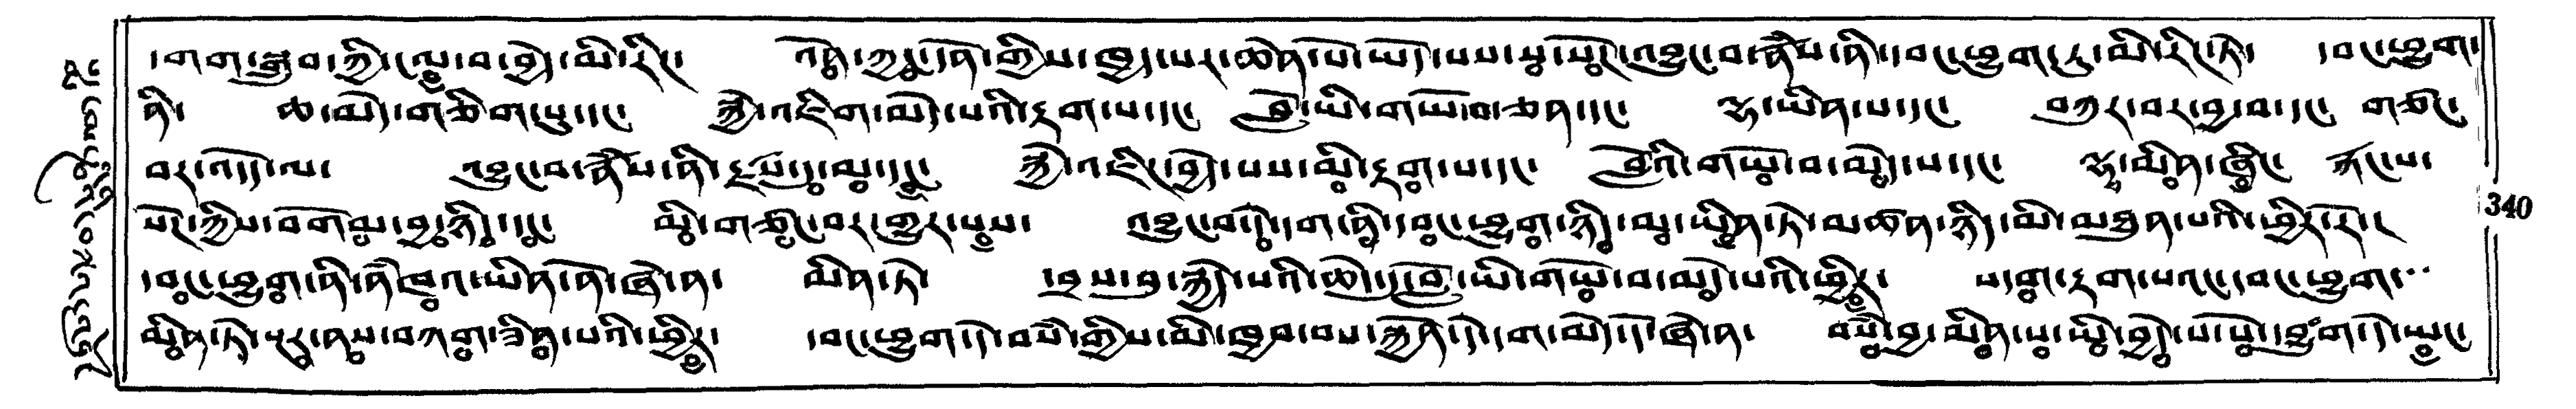དགག་སྒྲུབ་ཀྱི་ངལ་བ་བྱེད་མི་རིགས། འོན་ཀྱང་དོན་གྱིས་ཁྱད་པར་ཆེན་པོ་ཡོད་པས་ས་སོགས་འབྱུང་བ་རྣམས་ནི་དབང་ཕྱུག་ཏུ་མི་རིགས་ཏེ། དབང་ཕྱུག་
ནི། ཆ་མེད་གཅིག་པུ་དང་། སྐྱེ་འཇིག་མེད་པའི་རྟག་པ། བློ་ཡི་གཡོ་བ་ཅན། ལྷ་ཡིན་པ། བཀུར་བར་བྱ་བ། གཙང་
བར་འདོད་ལ། འབྱུང་བ་རྣམས་ནི་རྫས་དུ་མ་དང་། སྐྱེ་འཇིག་བྱེད་པས་མི་རྟག་པ་དང་། བློའི་གཡོ་བ་མེད་པ་དང་། ལྷ་མིན་ཞིང་། རྐང་པ་
སོགས་ཀྱིས་བགོམ་བྱ་ཉིད་དང་། མི་གཙང་བར་གྱུར་པས། འབྱུང་བ་དེ་དག་ནི་དབང་ཕྱུག་ཉིད་མ་ཡིན་ཏེ་མཚན་ཉིད་མི་མཐུན་པའི་ཕྱིར་རོ།། 
དབང་ཕྱུག་ནི་ནམ་མཁའ་ཡིན་ནོ་ཞེ་ན། མིན་ཏེ་འབྲས་བུ་སྐྱེད་པའི་ཆེད་དུ་བློ་ཡི་གཡོ་བ་མེད་པའི་ཕྱིར། བདག་རྟག་པའང་དབང་ཕྱུག་
མིན་ཏེ་སྔར་ནས་བཀག་ཟིན་པའི་ཕྱིར། དབང་ཕྱུག་དེ་བསམ་གྱིས་མི་ཁྱབ་པས་སྐྱོན་དེ་དག་མེད་དོ་ཞེ་ན། བསམ་བྱ་མིན་པ་ཡི་བྱེད་པ་པོ་དབང་ཕྱུག་དེ་ཡང་